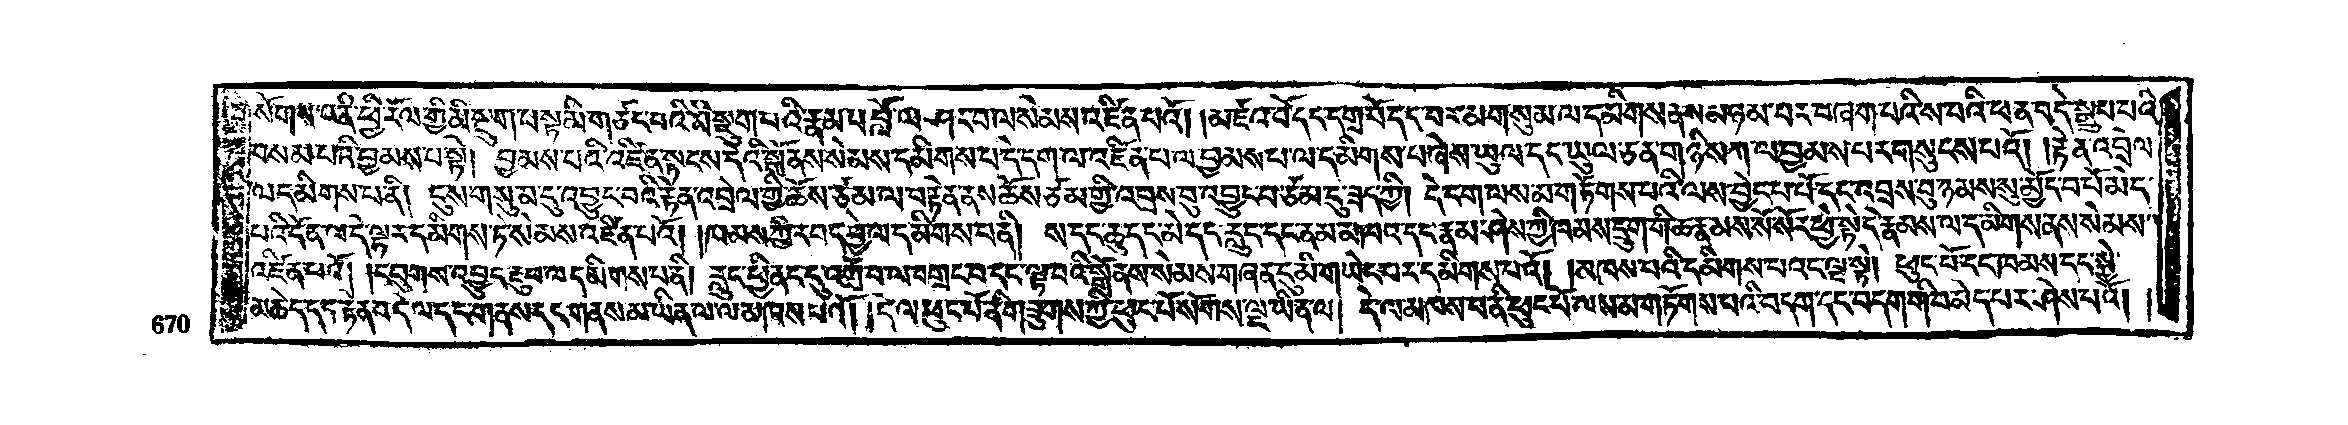སོགས་པ་ནི་ཕྱི་རོལ་གྱི་མི་སྡུག་པ་སྟེ་མི་གཙང་བའི་མི་སྡུག་པའི་རྣམ་པ་བློ་ལ་ཤར་བ་ལ་སེམས་འཛིན་པའོ། །མཛའ་བོ་དང་དགྲ་བོ་དང་བར་མ་གསུམ་ལ་དམིགས་ནས་མཉམ་པར་བཞག་པའི་ས་པའི་ཕན་བདེ་སྒྲུབ་པའི་
བསམ་པ་ནི་བྱམས་པ་སྟེ། བྱམས་པའི་འཛིན་སྟངས་དེའི་སྒོ་ནས་སེམས་དམིགས་པ་དེ་དག་ལ་འཛིན་པ་ལ་བྱམས་པ་ལ་དམིགས་པ་ཞེས་ཡུལ་དང་ཡུལ་ཅན་གཉིས་ཀ་ལ་བྱམས་པར་གསུངས་པའོ། །རྟེན་འབྲེལ་
ལ་དམིགས་པ་ནི། དུས་གསུམ་དུ་འབྱུང་བའི་རྟེན་འབྲེལ་གྱི་ཆོས་ཙམ་ལ་བརྟེན་ནས་ཆོས་ཙམ་གྱི་འབྲས་བུ་འབྱུང་བ་ཙམ་དུ་ཟད་ཀྱི། དེ་དག་ལས་མ་གཏོགས་པའི་ལས་བྱེད་པ་པོ་དང་འབྲས་བུ་ཉམས་སུ་མྱོང་བ་པོ་མེད་
པའི་དོན་ལ་དེ་ལྟར་དམིགས་ཏེ་སེམས་འཛིན་པའོ། །ཁམས་ཀྱི་རབ་དབྱེ་ལ་དམིགས་པ་ནི། ས་དང་ཆུ་དང་མེ་དང་རླུང་དང་ནམ་མཁའ་དང་རྣམ་ཤེས་ཀྱི་ཁམས་དྲུག་གི་ཆ་རྣམས་སོ་སོར་ཕྱེ་སྟེ་དེ་རྣམས་ལ་དམིགས་ནས་སེམས་
འཛིན་པའོ། །དབུགས་འབྱུང་རྔུབ་?་ལ་དམིགས་པ་ནི། རླུང་ཕྱི་ནང་དུ་འགྲོ་བ་ལ་བགྲང་བ་དང་ལྟ་བའི་སྒོ་ནས་སེམས་གཞན་དུ་མི་གཡེང་བར་དམིགས་པའོ། །མཁས་པའི་དམིགས་པའང་ལྔ་སྟེ། ཕུང་པོ་དང་ཁམས་དང་སྐྱེ་
མཆེད་དང་རྟེན་འབྲེལ་དང་གནས་དང་གནས་མ་ཡིན་པ་ལ་མཁས་པའོ། །དེ་ལ་ཕུང་པོ་ནི་གཟུགས་ཀྱི་ཕུང་པོ་སོགས་ལྔ་ཡིན་ལ། དེ་ལ་མཁས་པ་ནི་ཕུང་པོ་ལས་མ་གཏོགས་པའི་བདག་དང་བདག་གི་བ་མེད་པར་ཤེས་པའོ། །